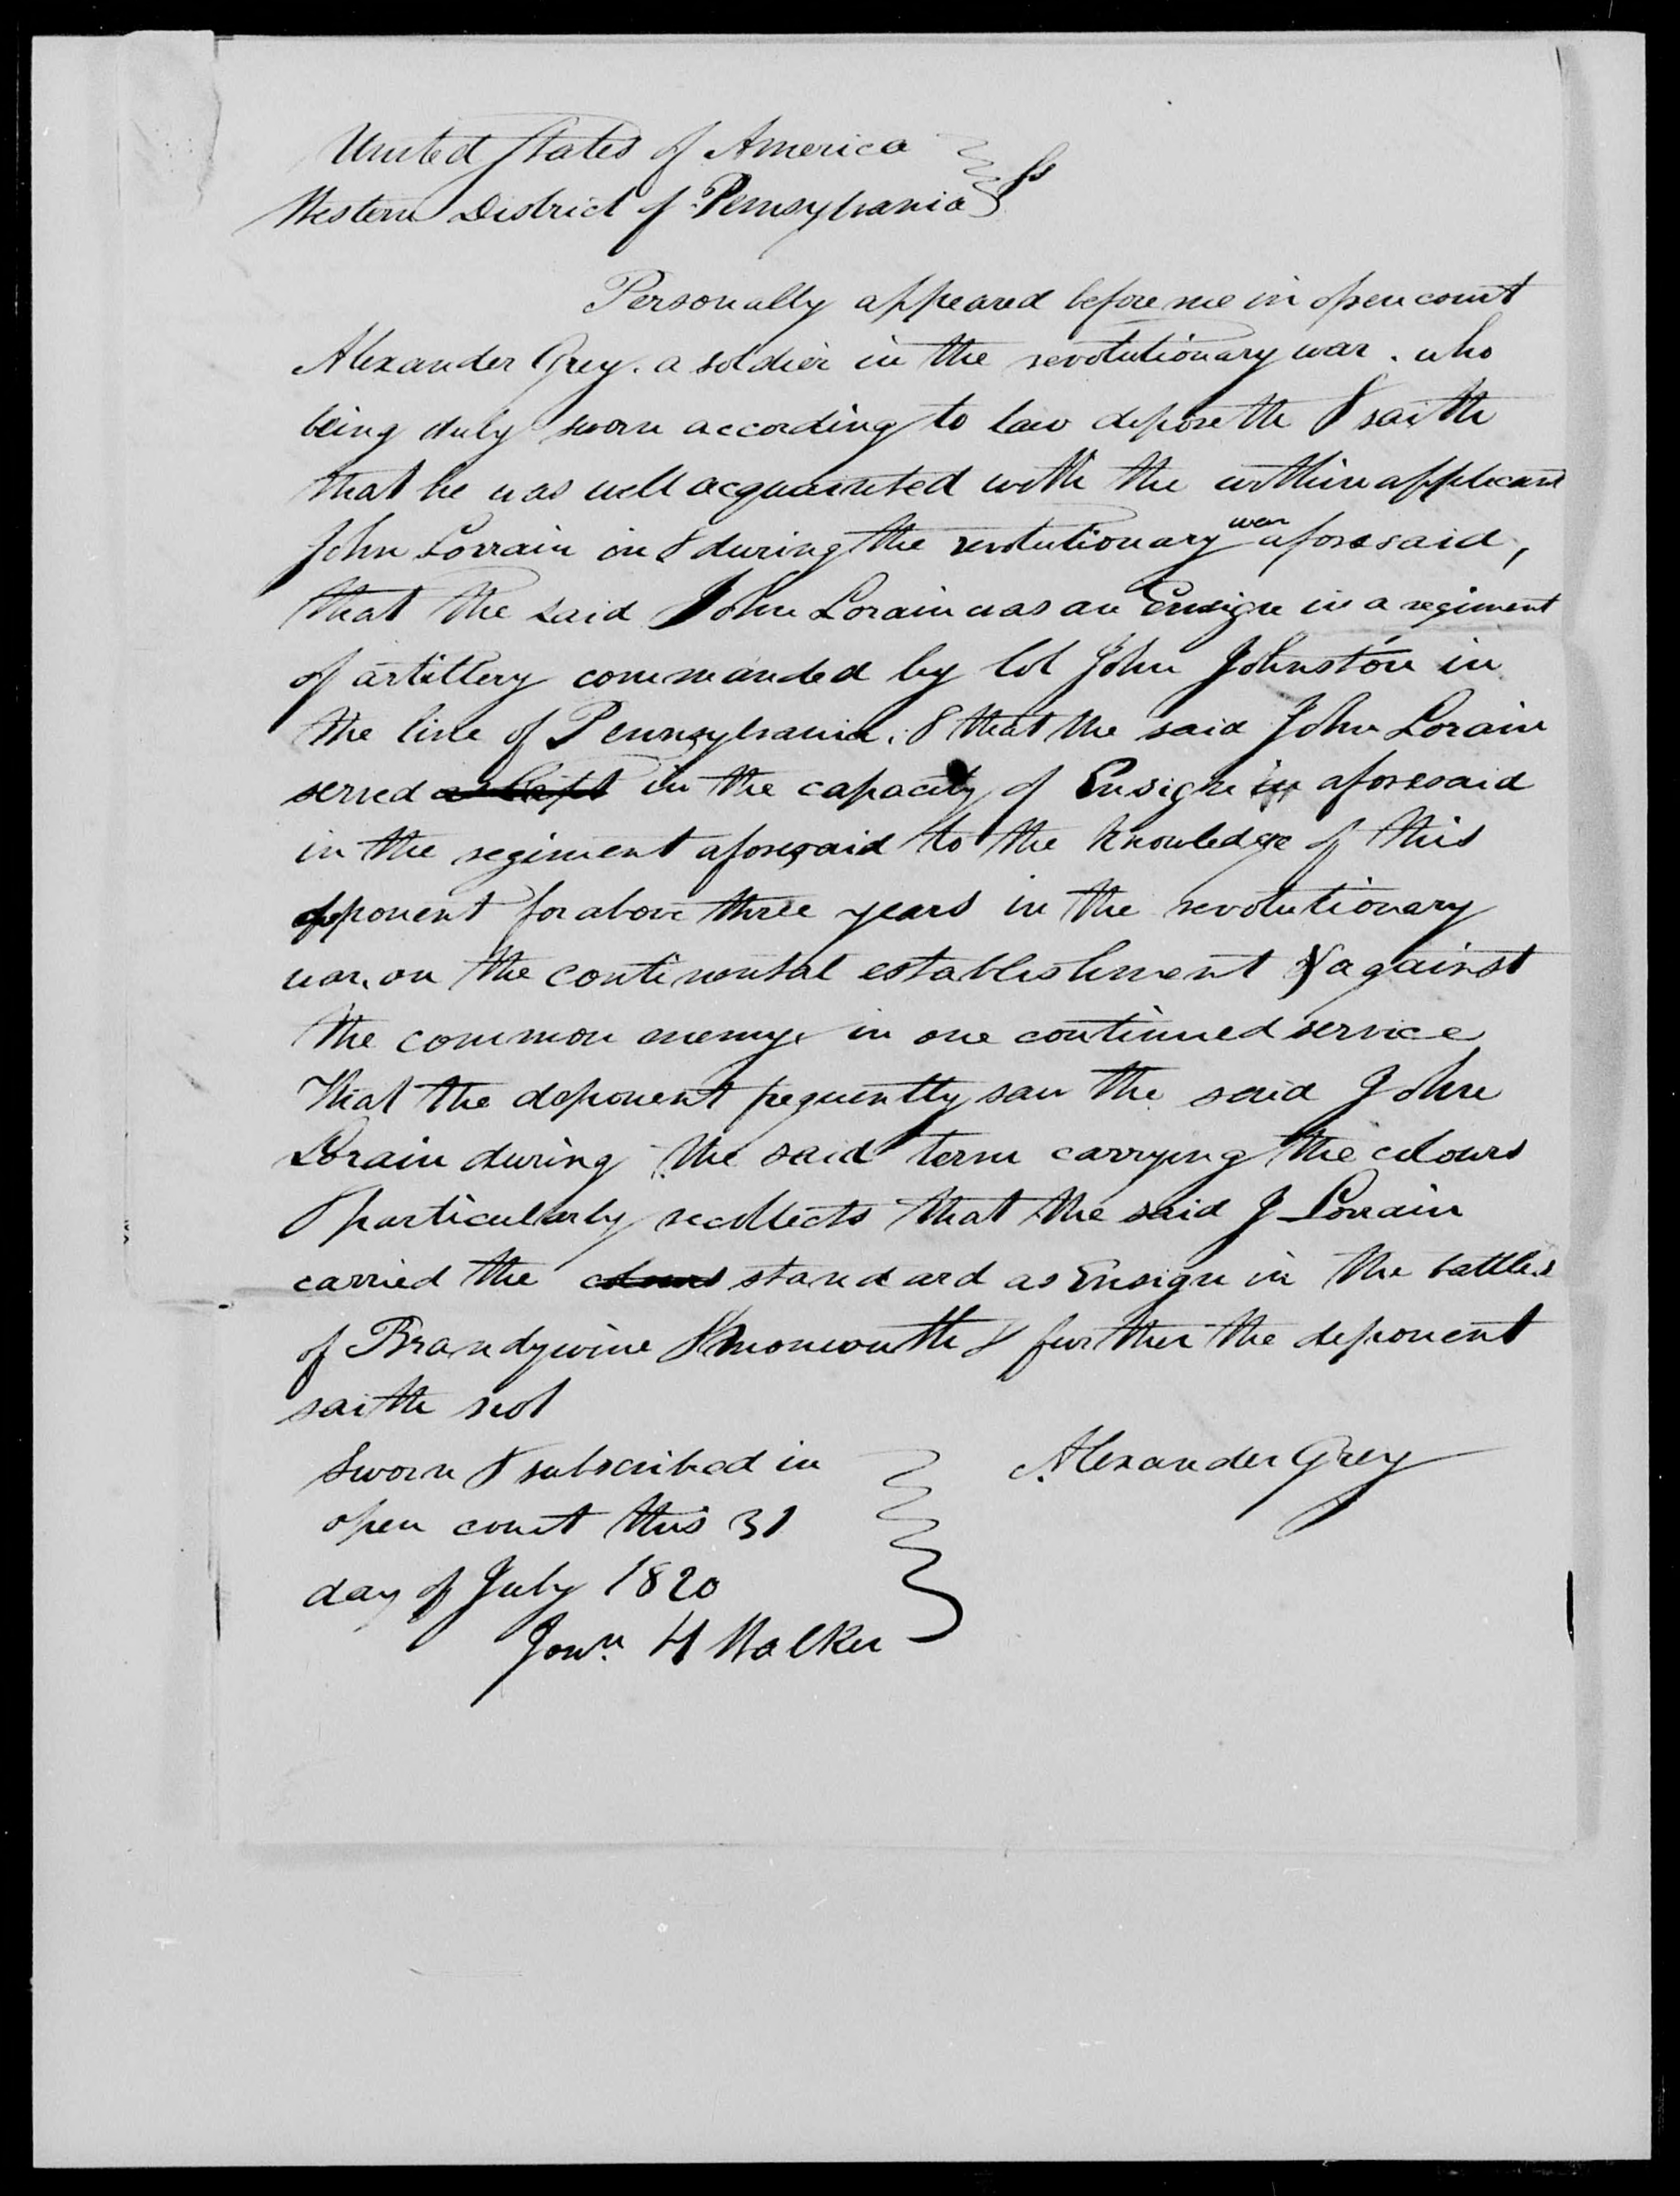United States of America
Western District of Pennsylvania} fs

Personally appeared before me in open court Alexander Grey, a soldier in the revolutionary war, who being duly sworn according to law deposeth & saith that he was well acquainted with the within applicant John Lorrain in & during the revolutionary war aforesaid, that the said John Lorain was an Ensign in a regiment of artillery commanded by Col John Johnston in the line of Pennsylvania, & that the said John Lorain served [illegible crossed out word] in the capacity of Ensign in aforesaid in the regiment aforesaid to the knowledge of this deponent for above three years in the revolutionary war, on the continental establishment, against the common enemy, in one continued service 
That the deponent frequently saw the said John Lorain during the said term carrying the colours & particularly recollects that the said J Lorrain carried the [word colors is crossed out] standard as Ensign in the battles of Brandywine & Monmouth & further the deponent saith not

Sworn & subscribed in open court this 31 day of July 1820}
John H. Walker [signature]

Alexander Grey [signature]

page: 8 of 21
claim: survivor's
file: S. 40,098, for John Lorain, Pennsylvania